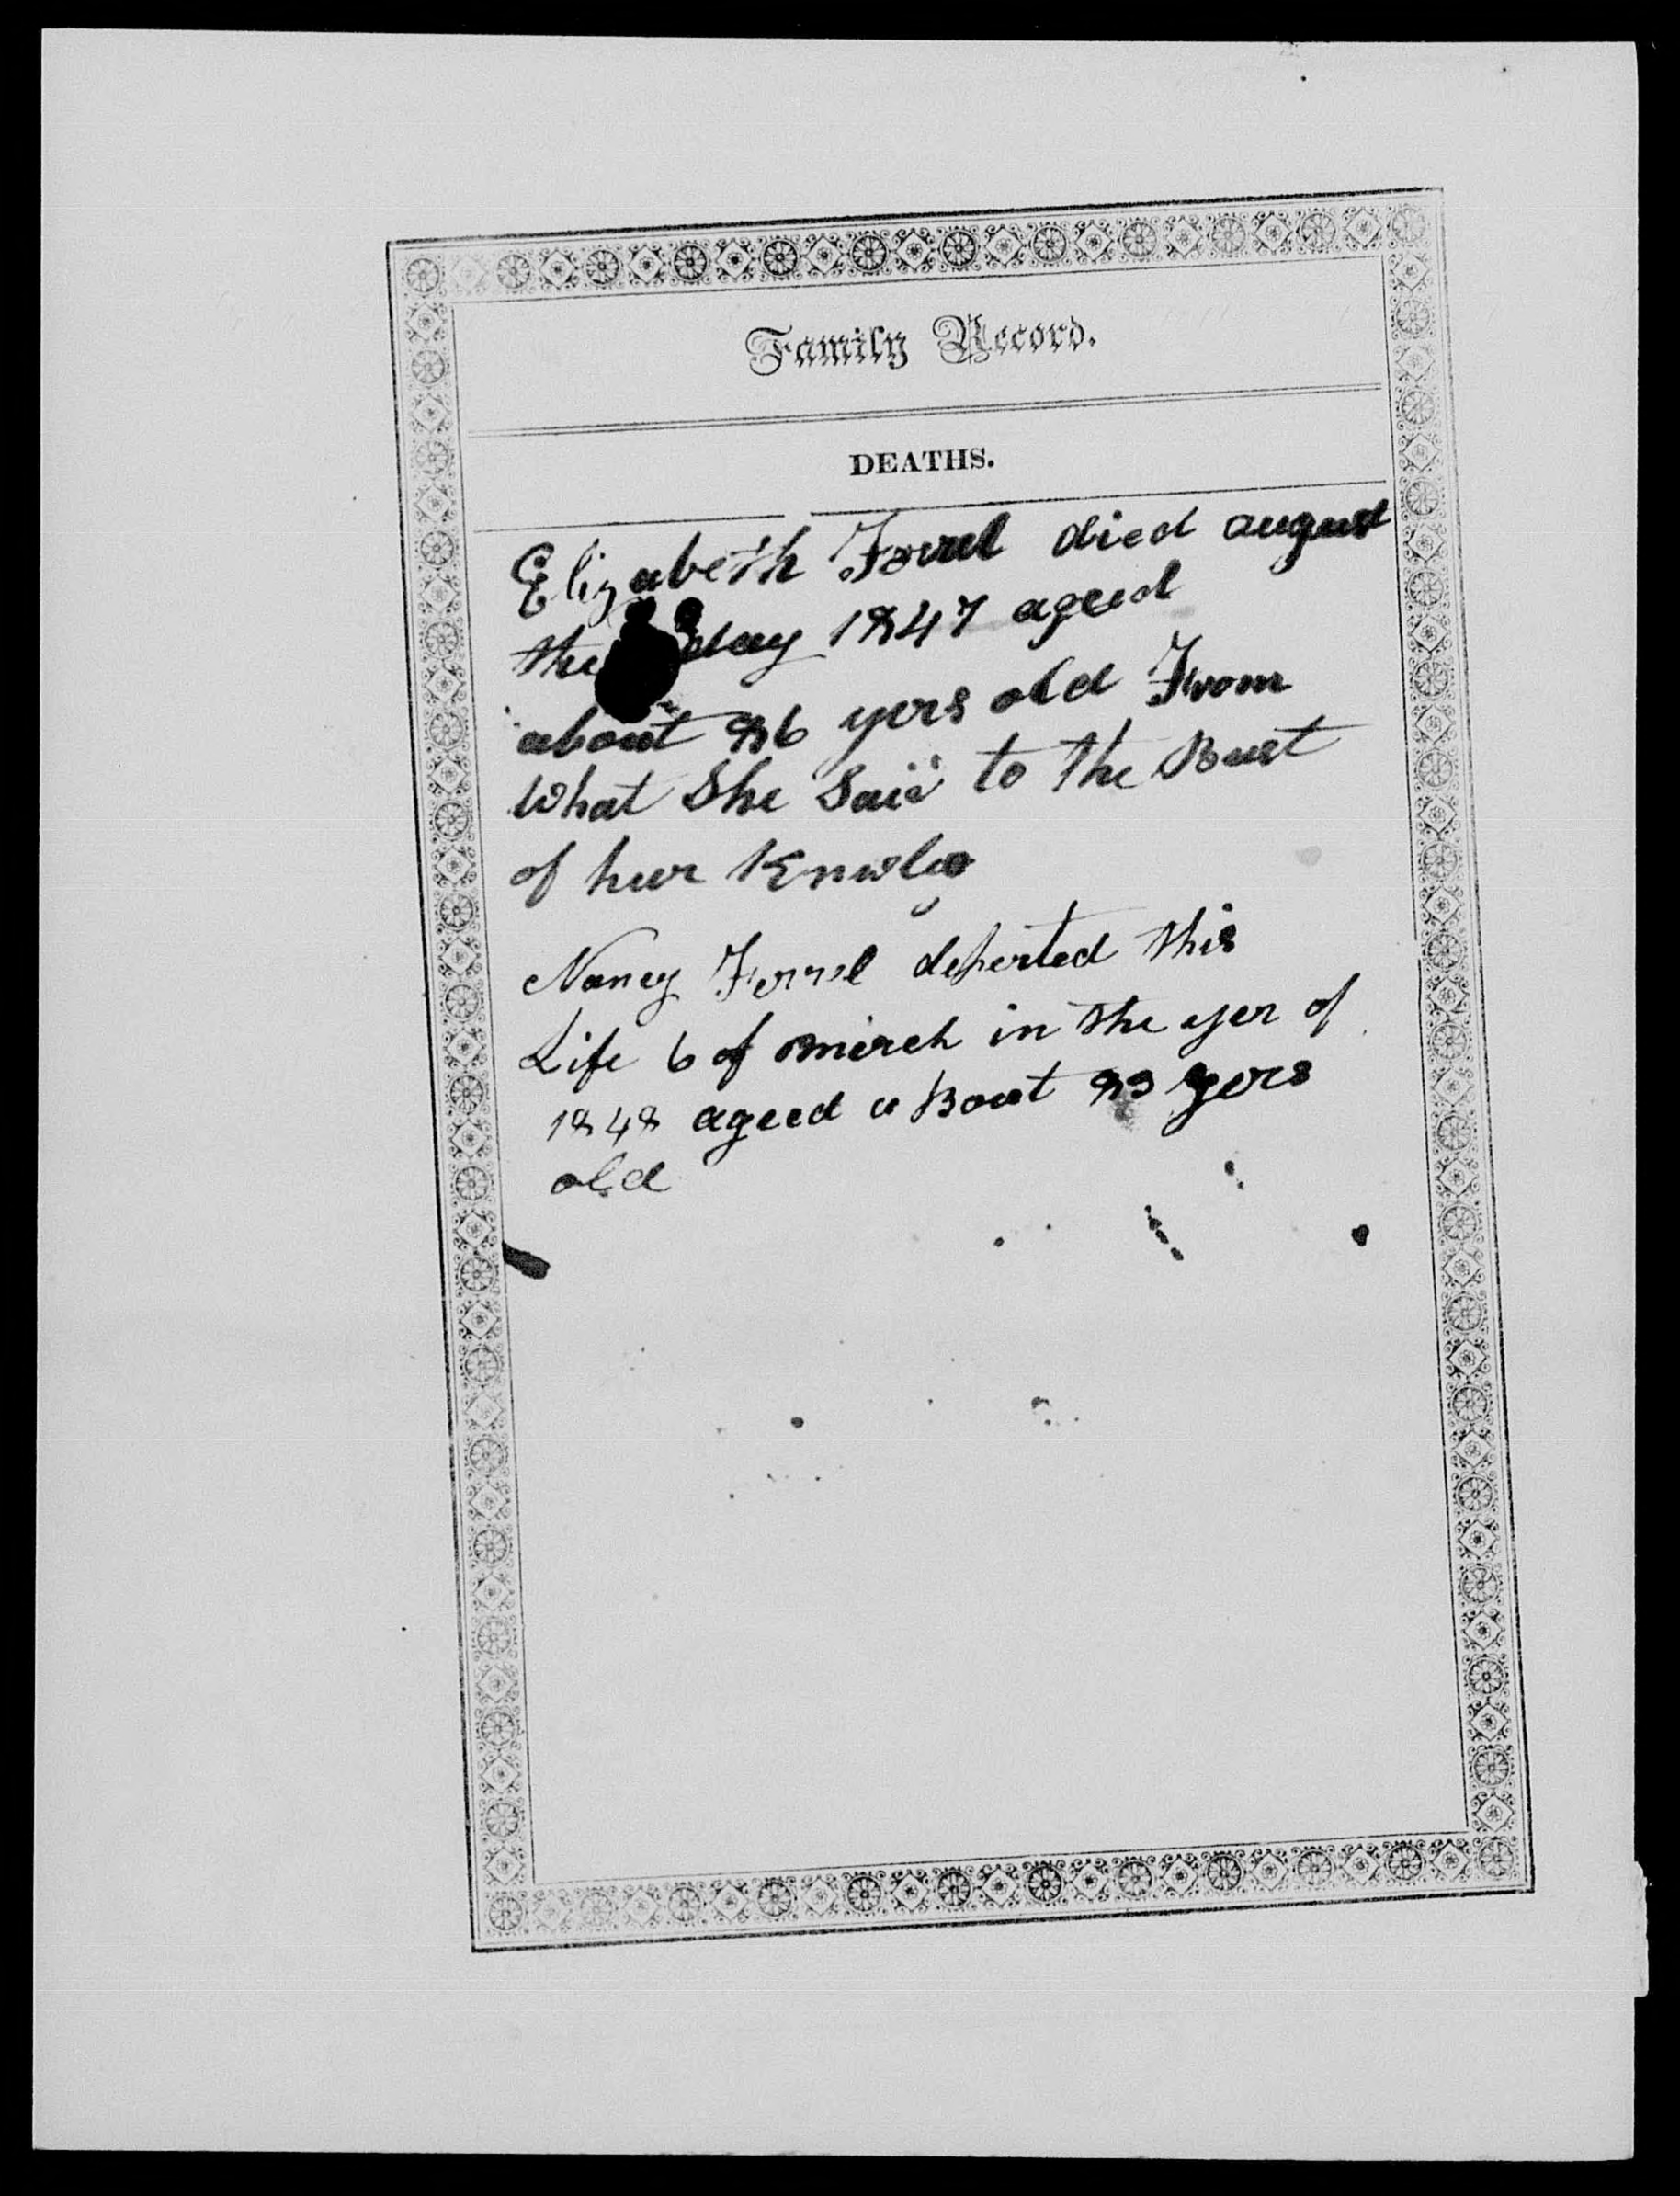Elizabeth Ferrel died August the :illegible: day 1847 aged about 96 yers old From what she said to the Best of her Knowledge
Nancy Ferrel departed this life 6 of merch in the yer of 1848 ageed a bout 93 yers old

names: Elizabeth Ferrel, Nancy Ferrel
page: 5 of 52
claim: rejected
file: R. 3,512, John Ferrell, N.C.